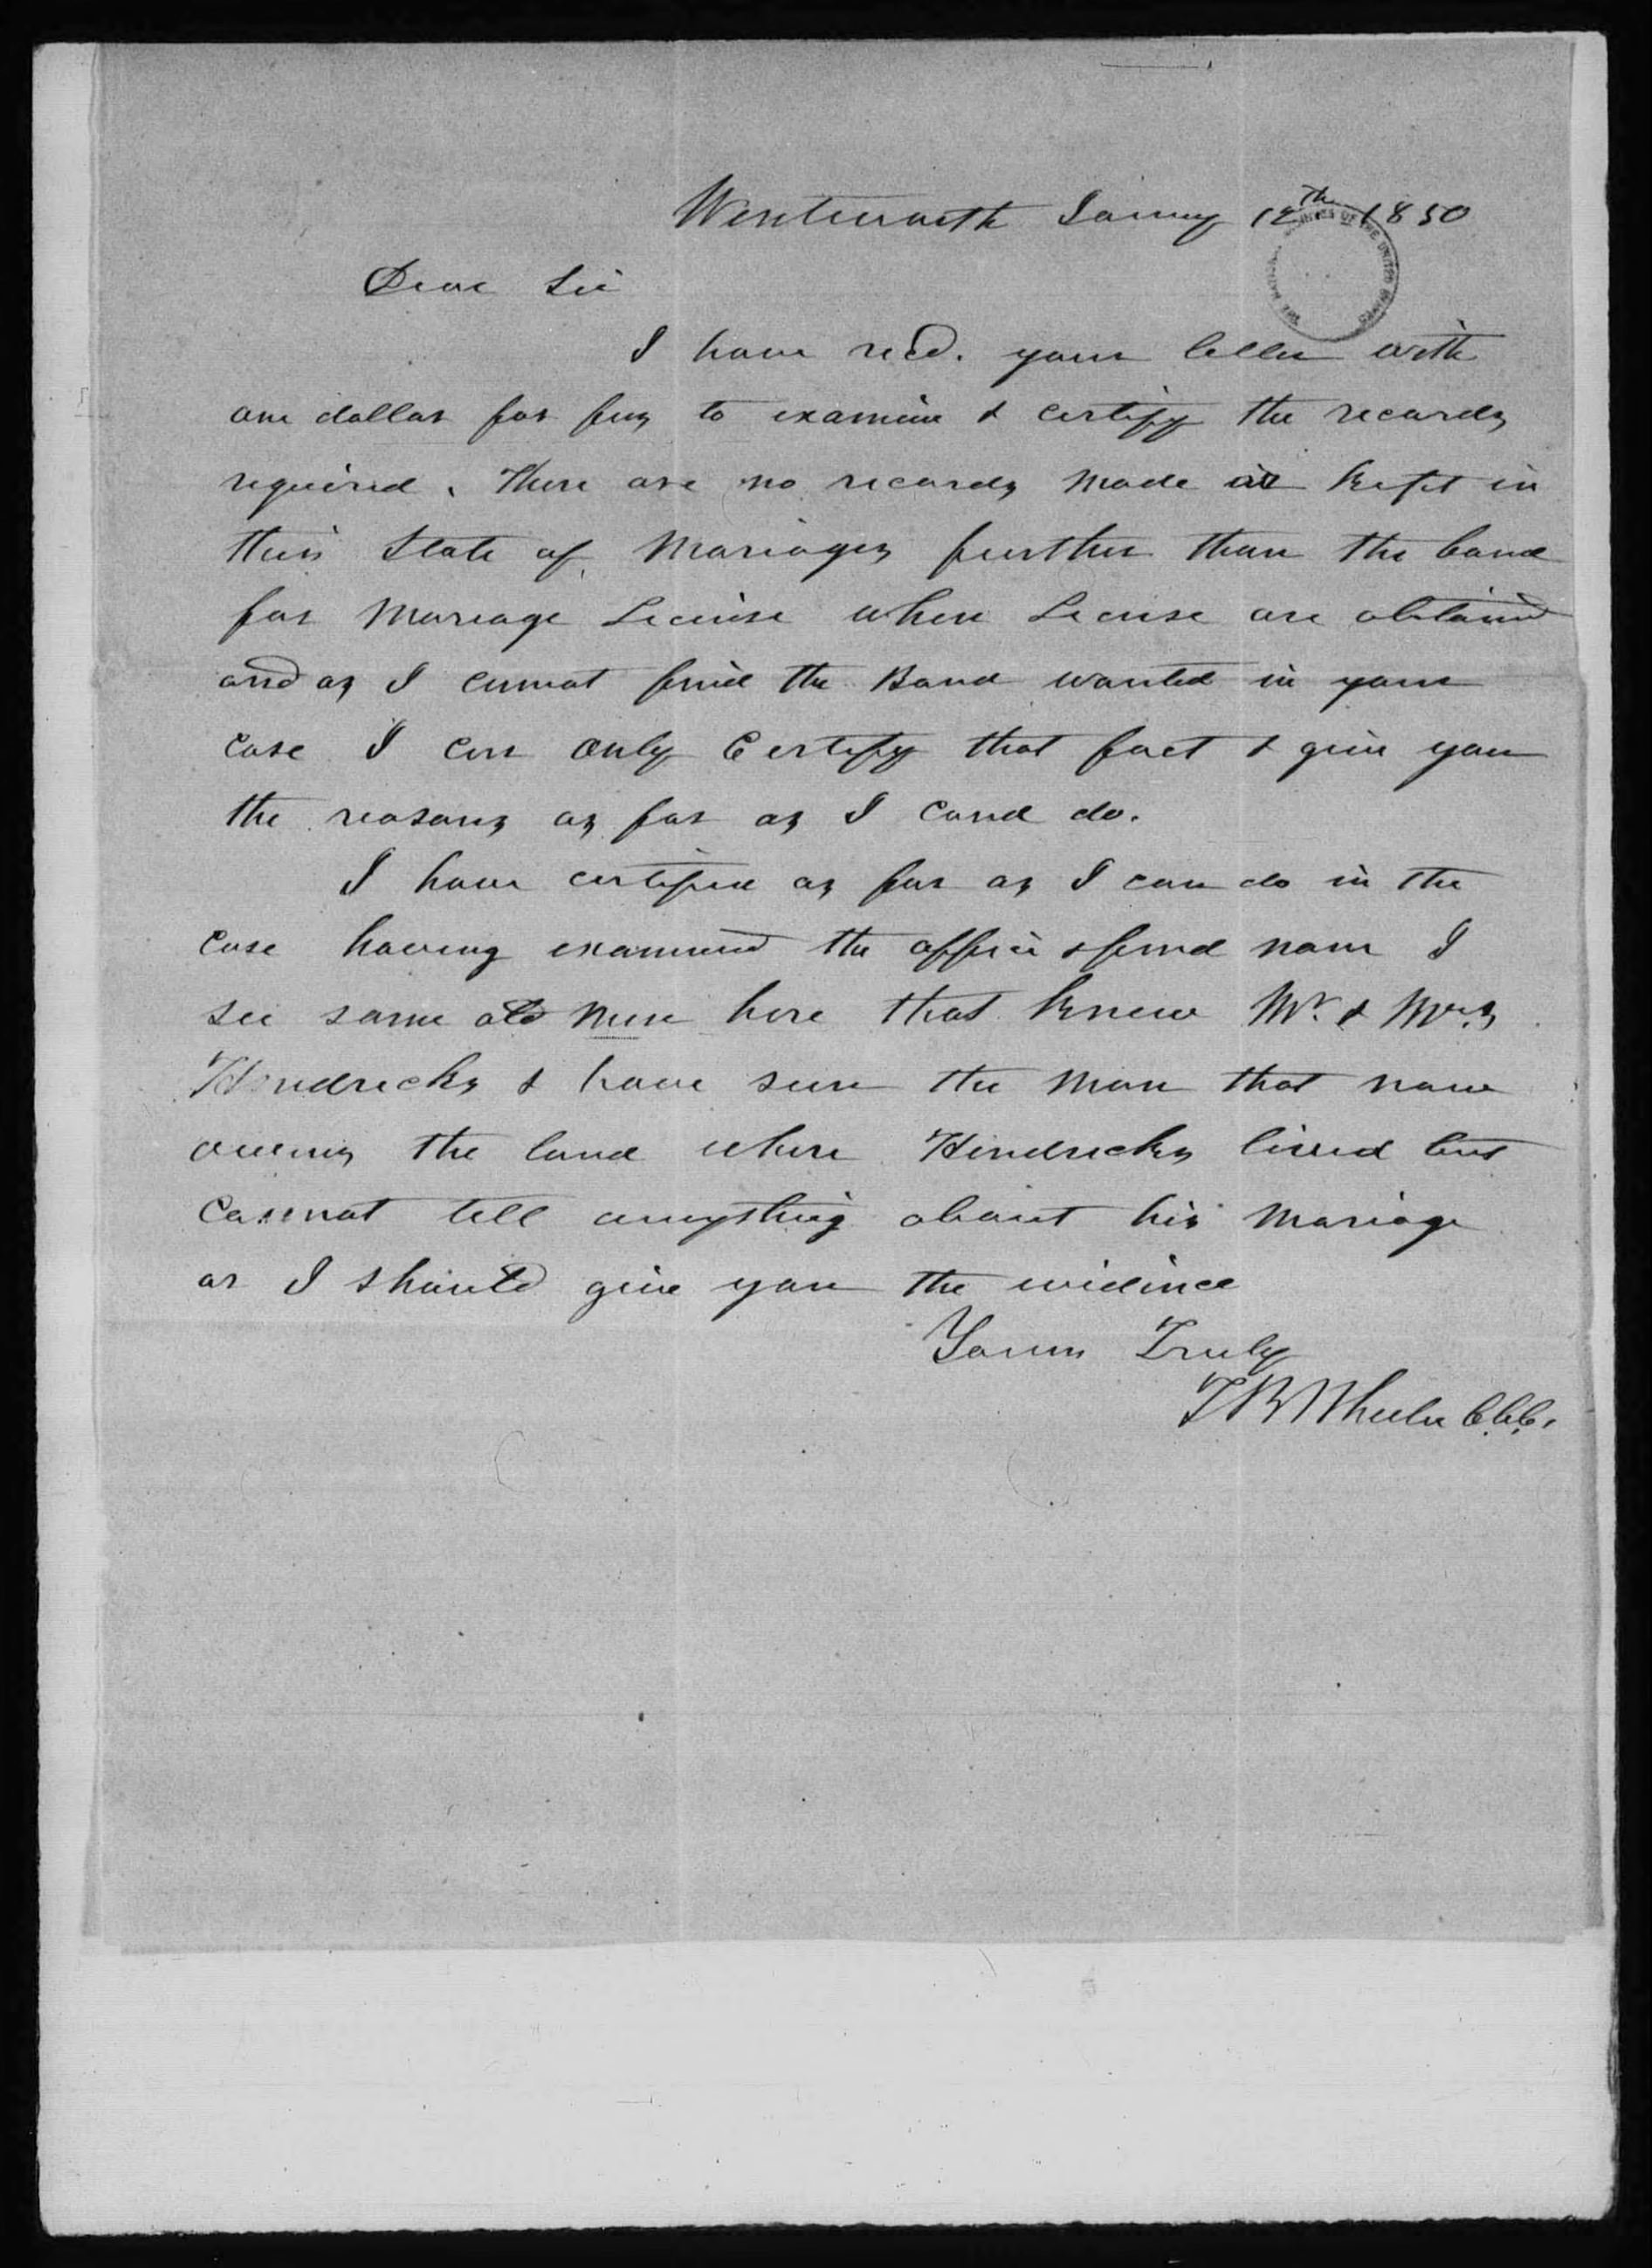Wentworth January 12th 1850

Dear Sir
   I have recd. your letter with one dollar for fees to examine & certify the records required.  There are no reords made or kept in their State of Marriage further than the bond for mariage license where license are obtained and as I cannot find the bond wanted in your case I can only certify that fact & give you the reasons as far as I can do.
   I have certified as far as I can do in the case having examined the office & find none.  I see same & none here that knew Mr. & Mrs. Hendricks & have seen the man that now owning the land where Hendricks lived but cannot tell anything about his mariage or I should give you the evidence.

  Yours Truly
    T B Wheeler, (initials)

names: T B Wheeler, Hendricks, Hendricks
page: 45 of 76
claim: widow's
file: W. 83, Albert Hendricks, Continental Md. N.C.